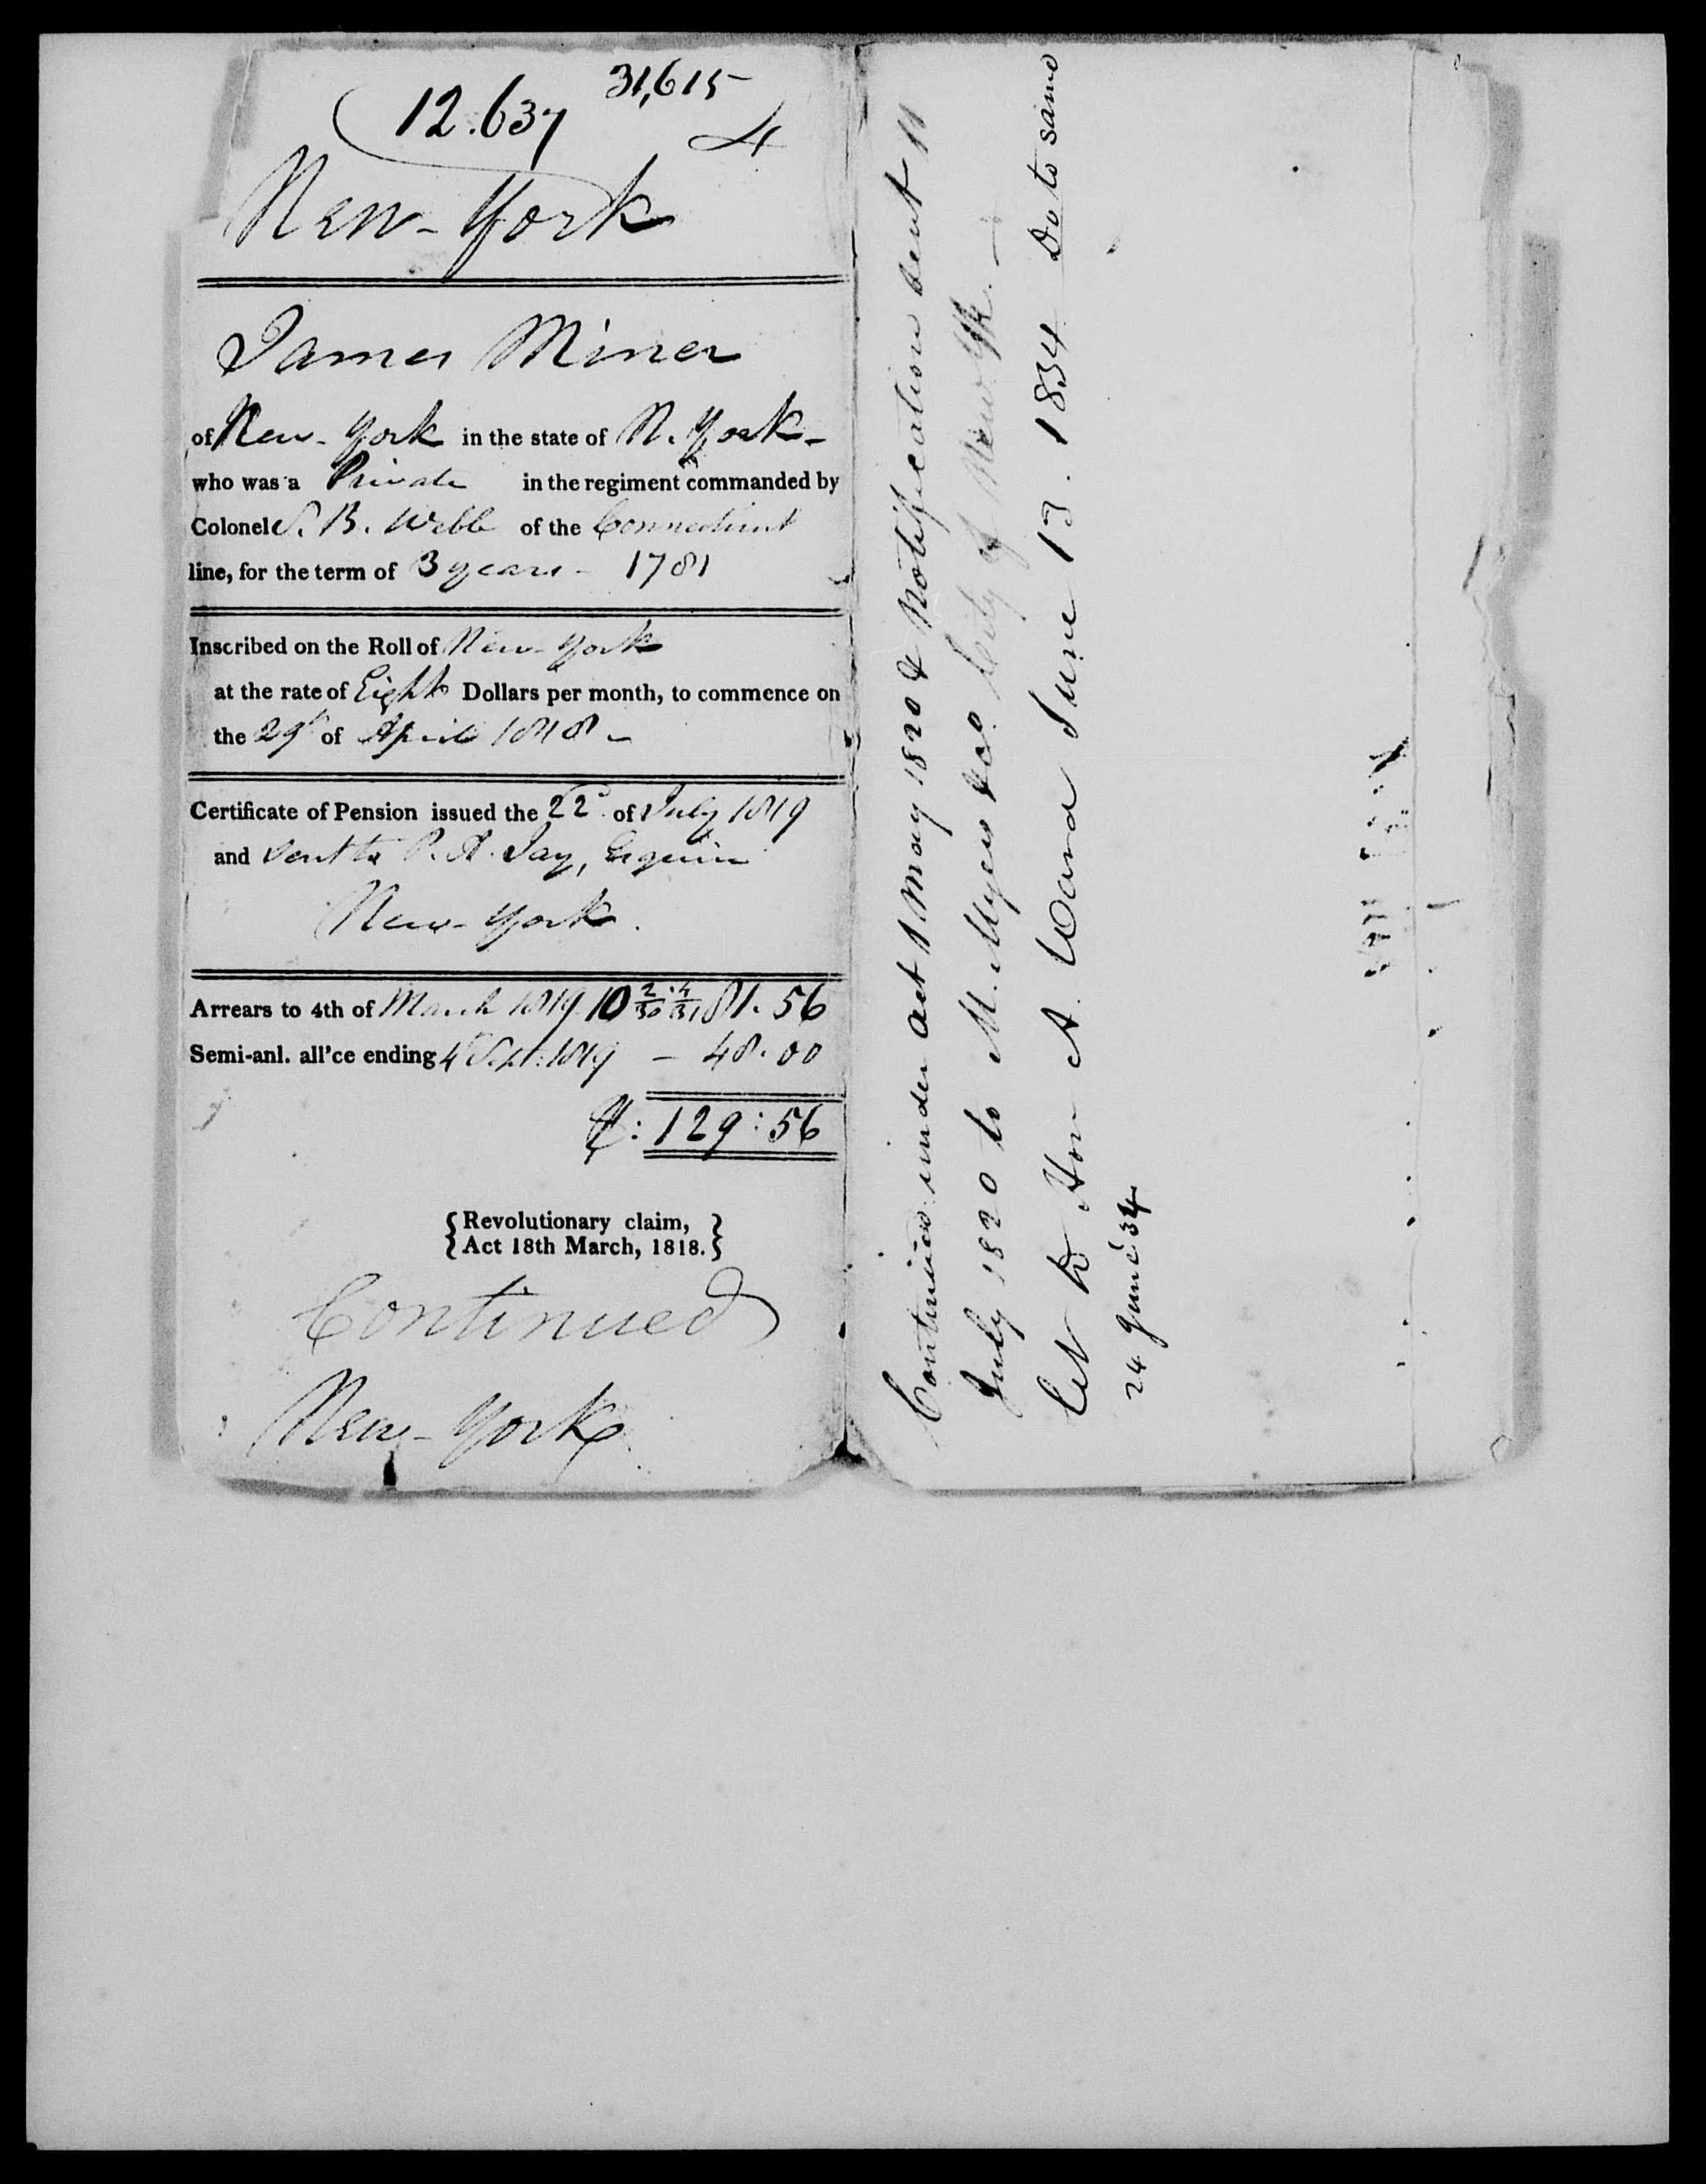12.637

31,615
4
New York
James Miner
of New York in the State of N. York
who was a Private in the regiment commanded by
Colonel S. B. Webb of the Connecticut
line, for the term of 3 years 1781
Inscribed on the Roll of New York
at the rate of Eight Dollars per month, to commence on
the 29th of April 1848-
Certificate
of Pension issued the 22 of July 1819
sent to P.A. Say, Esquire
New York
Arrears to 4th of March 1819 10 2/30 4/31 $81.56
Semi-anl. all'ce ending 4 Sept 1819
48.00
$129:56
{Revolutionary claim,
Act 18th March, 1818.}
Continued
New York

Continued under Act 1 May 1820 & Notification sent 11
July 1820 to M. Myers & co. City of New Yk.
let to Hon A. Ward June 13. 1834. Do to same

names: P A Jay; A Ward; M Myers; S B Webb; James Miner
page: 18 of 39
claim: survivor's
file: S. 23802, for James Miner, Connecticut